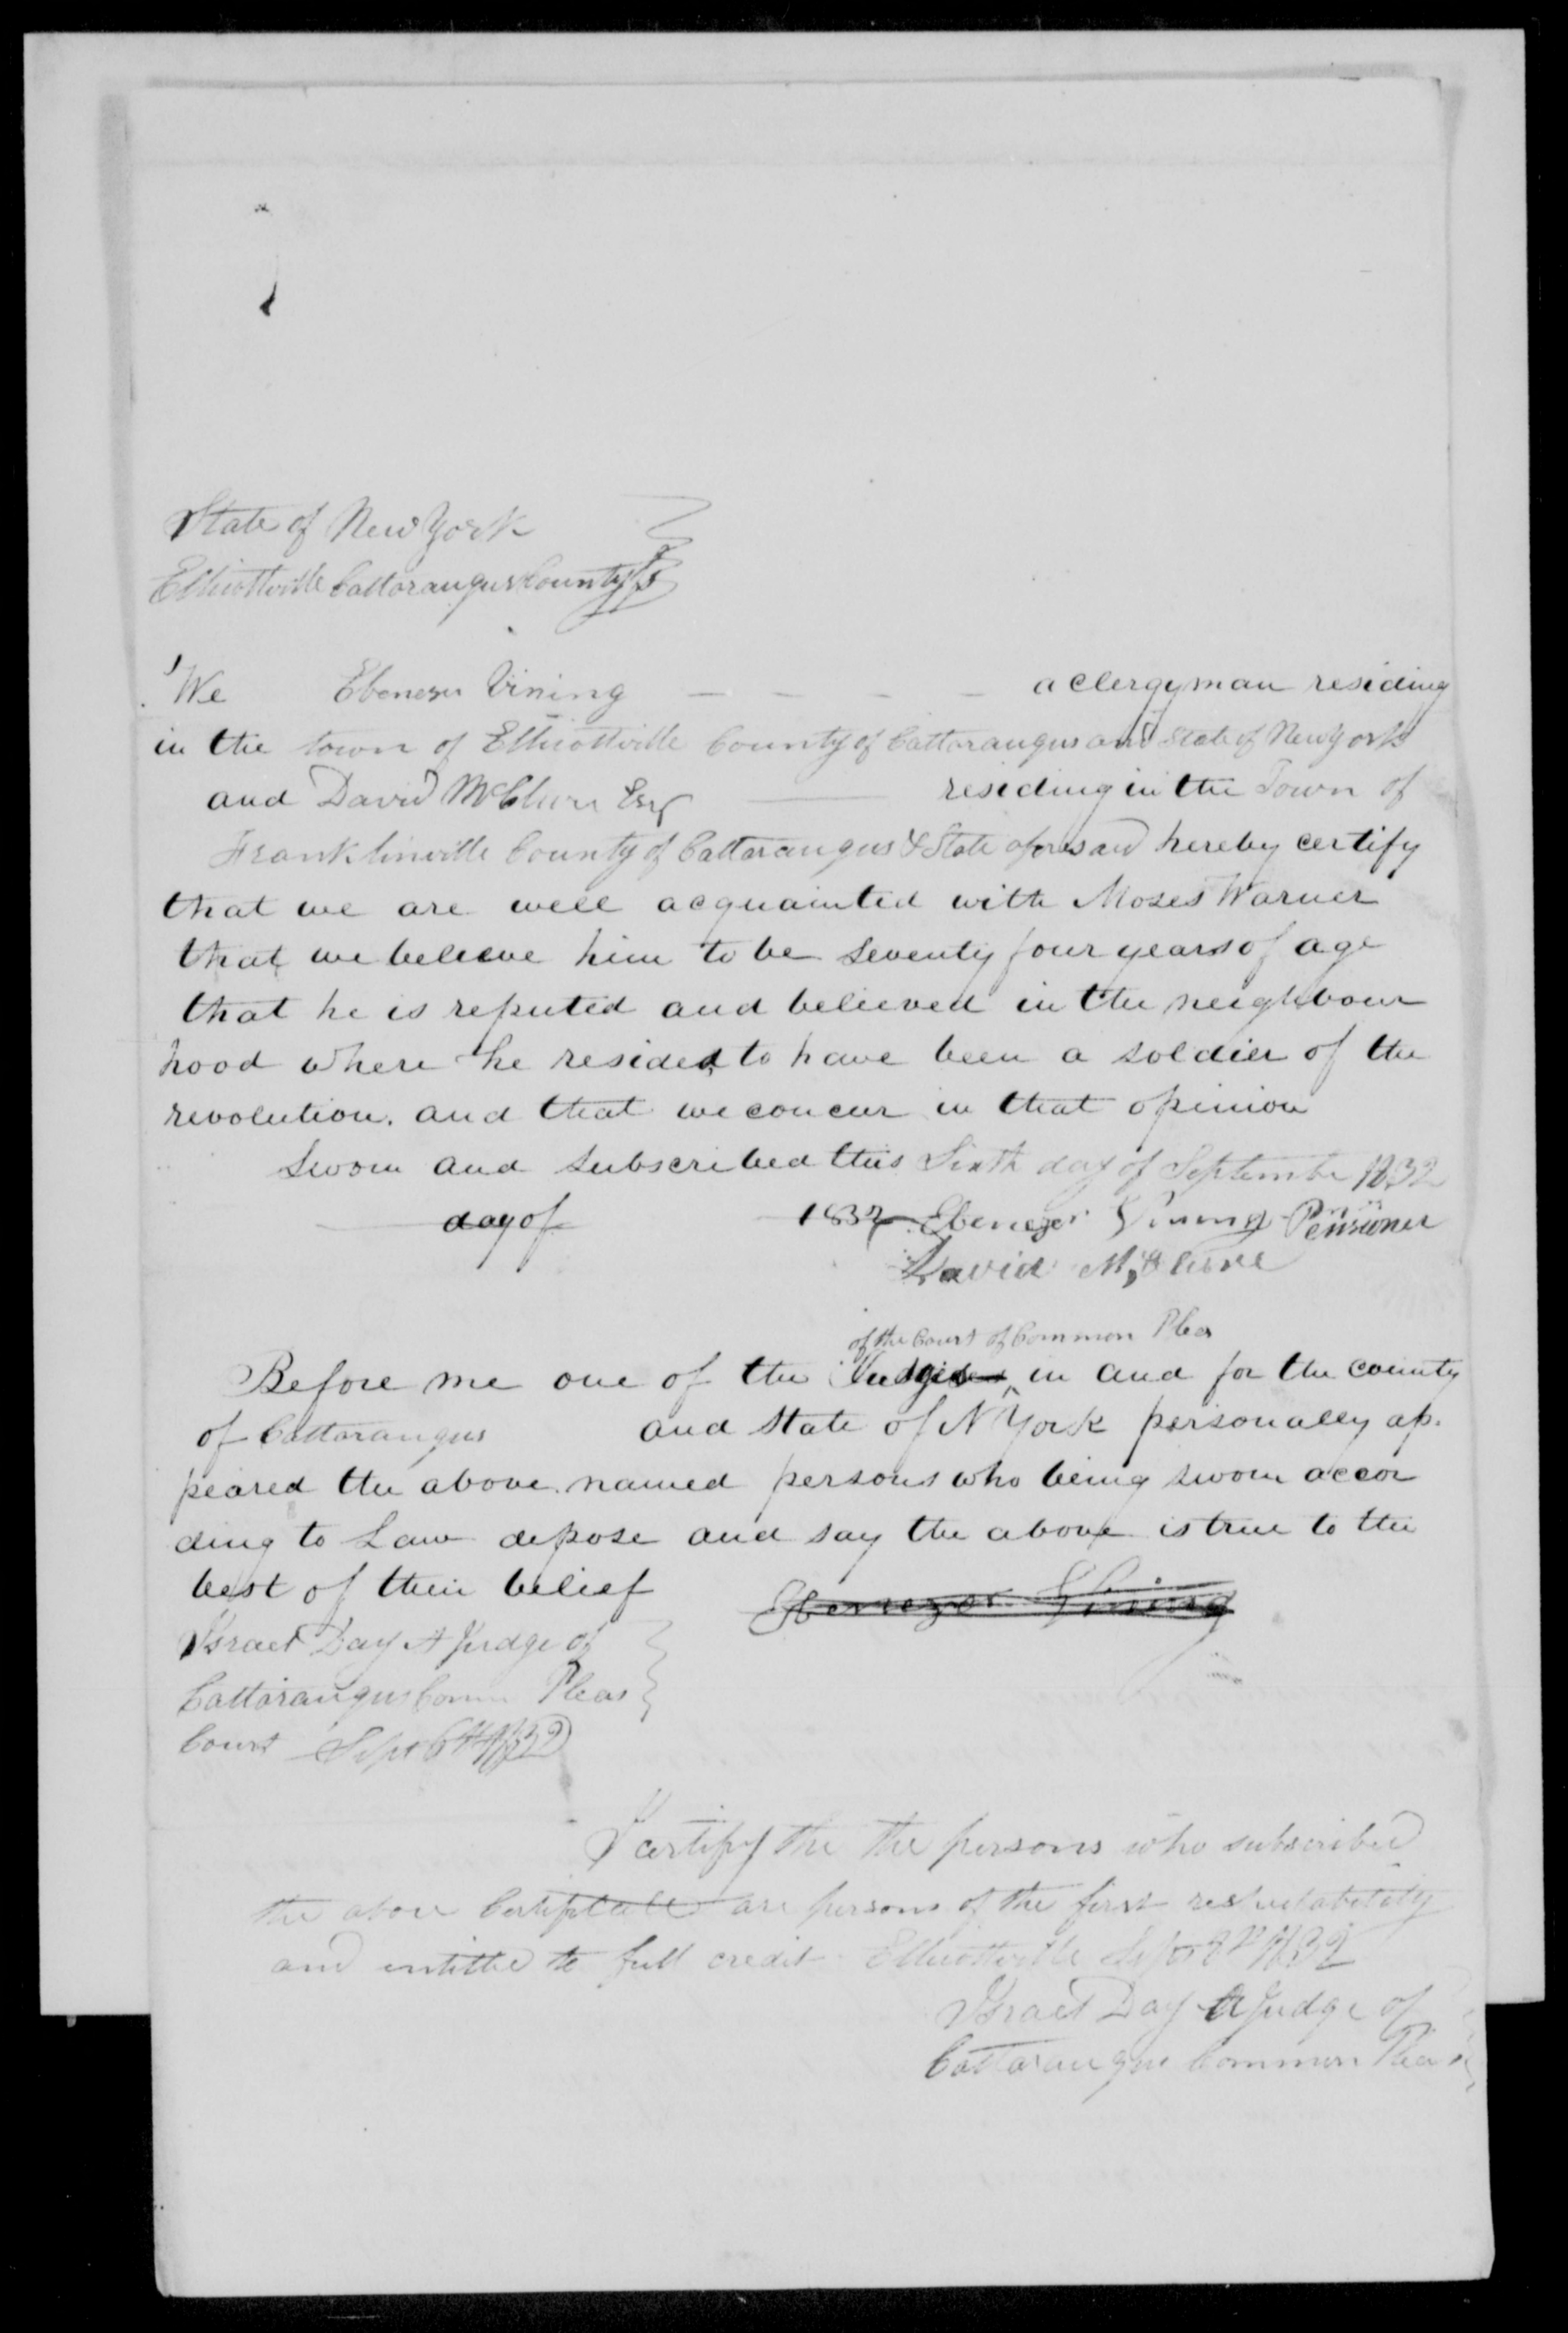State of New York}
Elliottville Cattaraugus County}
We     Ebnezer Giring------a clergyman residing
in the town of Elliottville County of Cattaraugus and State of New York
and David McClure Esq-----residing in the Town of
Franklinville County of Cattaraugus and state aforesaid hereby certify
that we are well acquainted with Moses Warner
that we believe him to be seventy four years of age
that he is reputed and believed in the neighbour
hood where he resided to have been a soldier of the
revolution, and that we concur in that opinion
Sworn and subscribed this Sixth day of September
day of (crossed out) 1832 (crossed out) Ebenezer Giring Pensioner
David Mc Clure

Before me one of the Judges of the Court of Common Pleas in and for the County
of Cattaraugus and State of New York personally ap-
peared the above named persons who being sworn accor-
ding to Law depose and say the above is true to the
best of their belief
Israel Day A Judge of }
Cattaraugus Common Pleas }
Court Sept 6 1832 }

I certify the persons who subscribed
the above Certificate are persons of the first respectability
and entitled to full credit.  Elliottville Sept 6th 1832
Israel Day A Judge of }
Cattaraugus Common Pleas }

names: Israel Day, Ebenezer Giring, Israel Day, Ebenezer Giring, Ebenezer Giring, David Mc Clure, Moses Warner, David Mc Clure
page: 23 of 40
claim: widow's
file: W. 3742, Moses Warner, Conn.